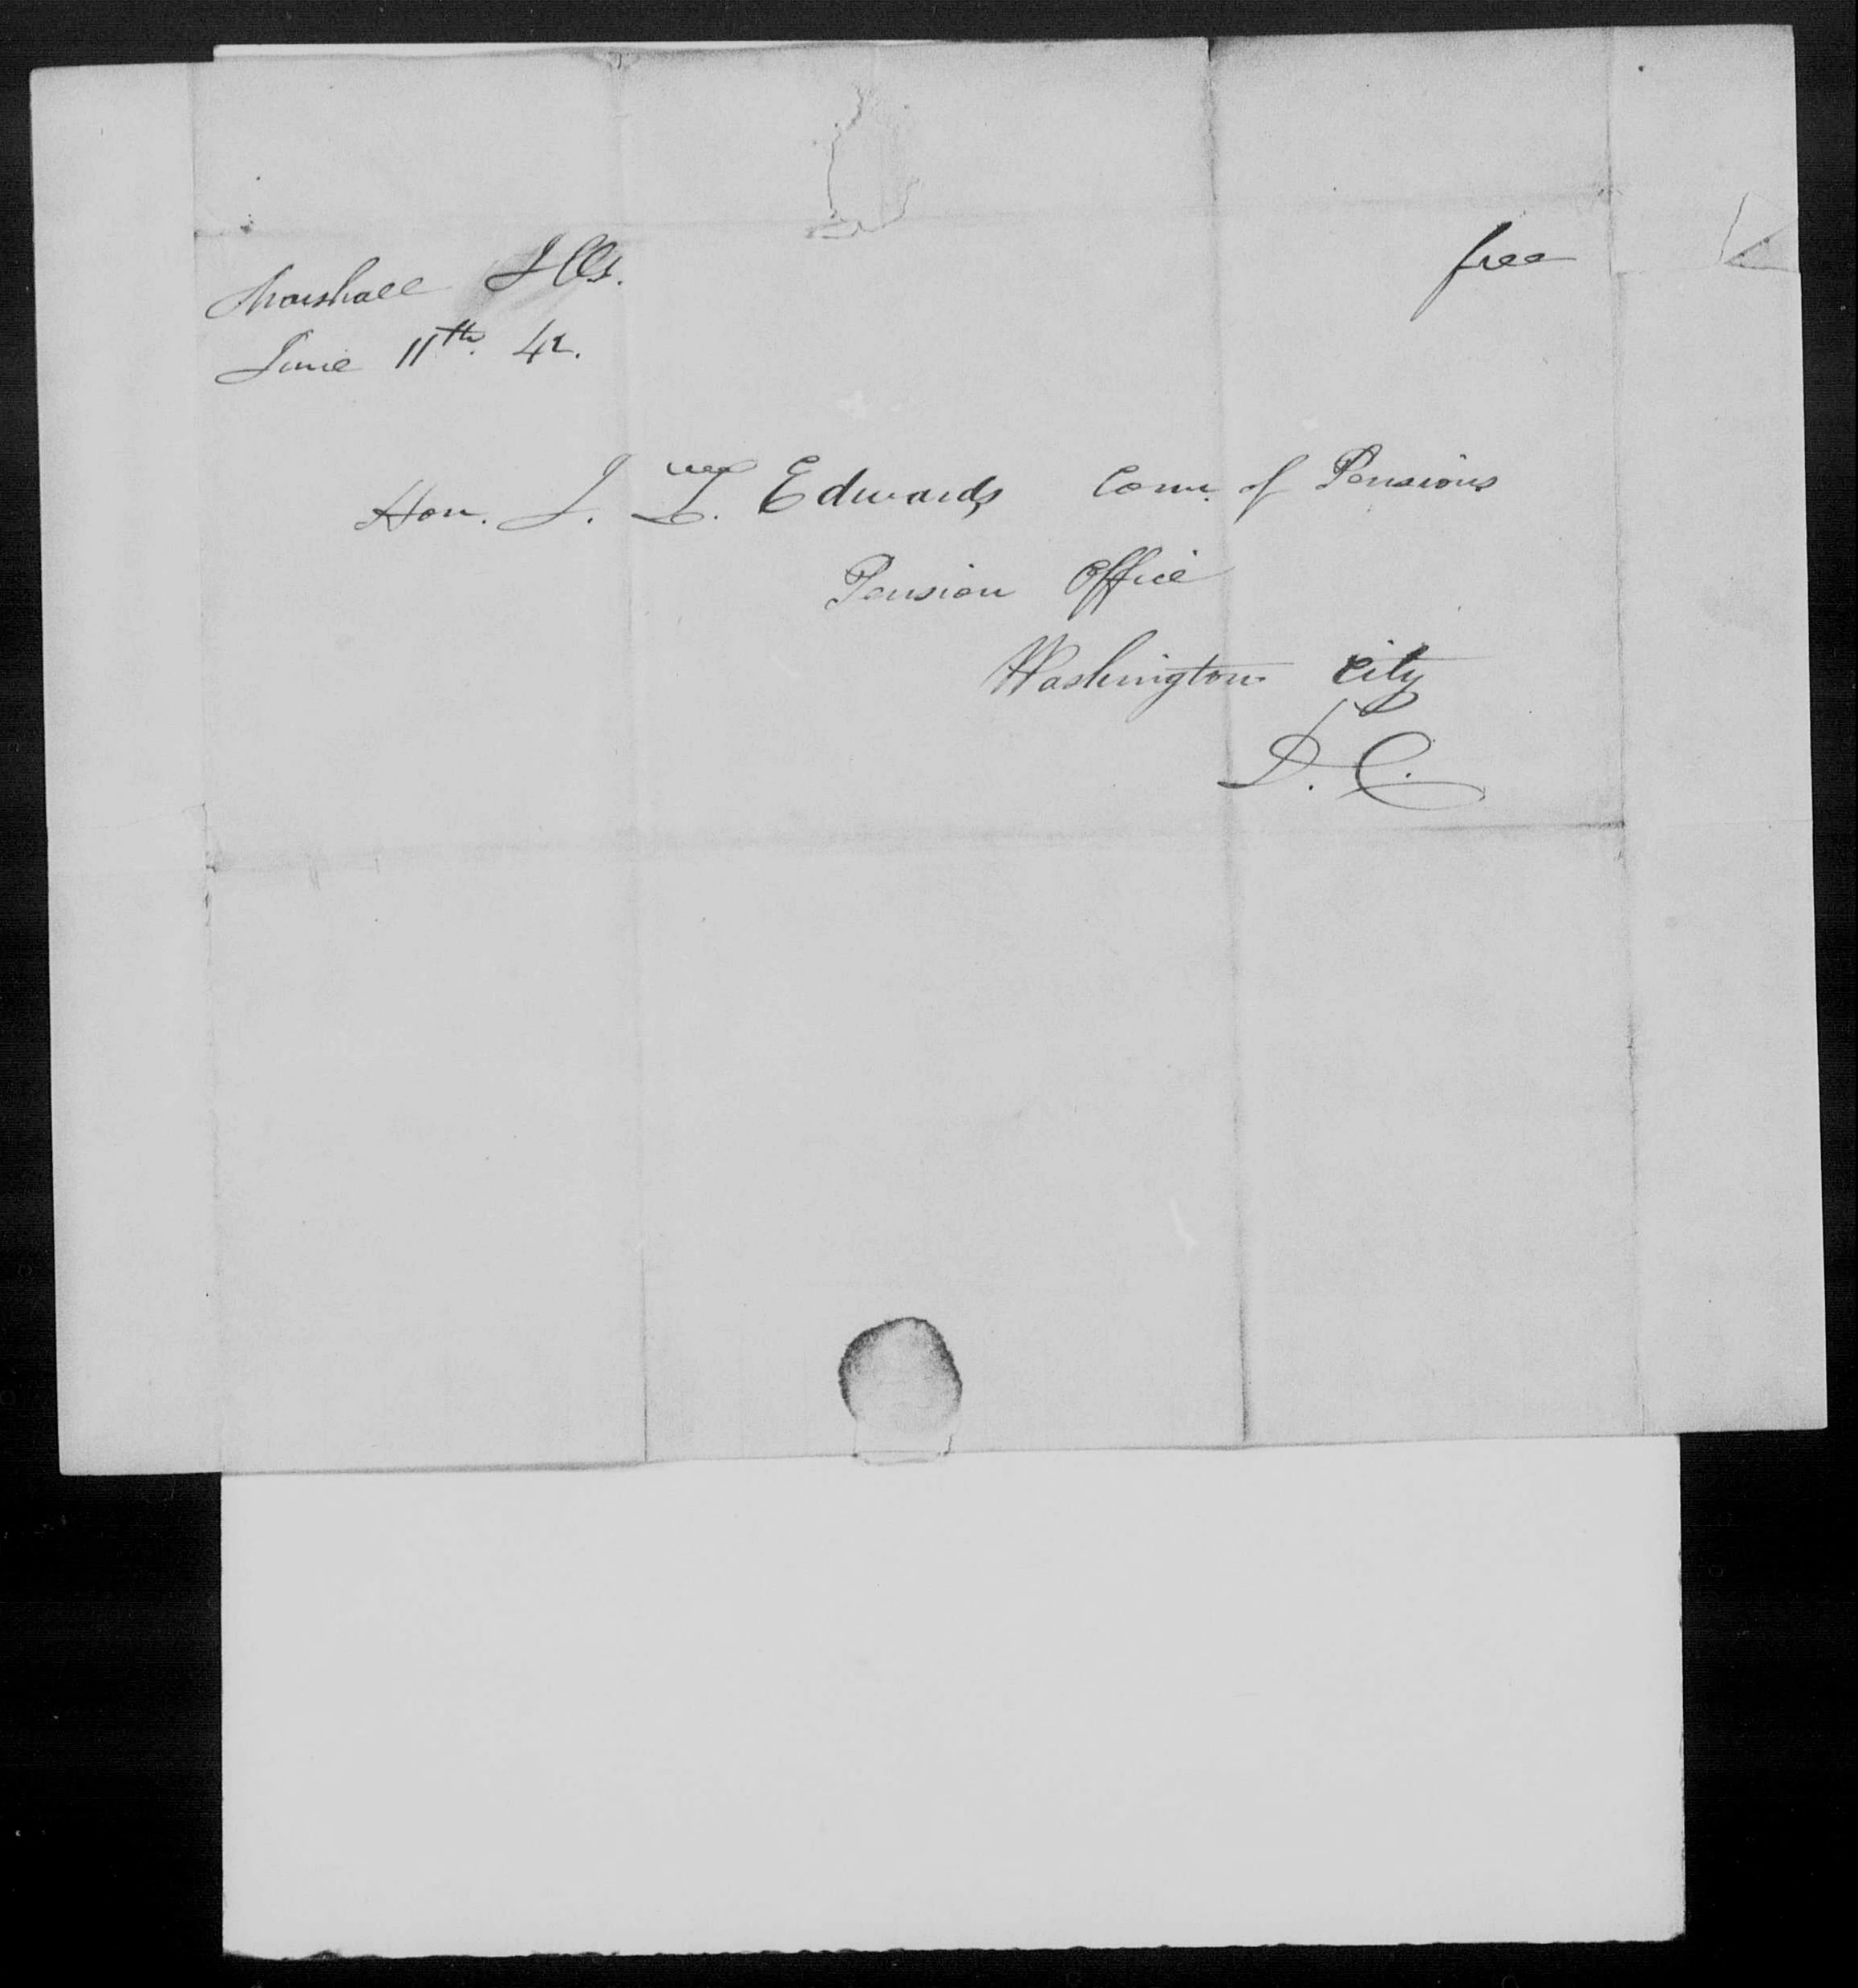Marshall Ills June 11th 42 Free
Hon JL Edwards Comr of Pensions 
Pension Office Washington City DC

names: J L Edwards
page: 32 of 41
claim: rejected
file: R. 1309, James Brown, S.C.